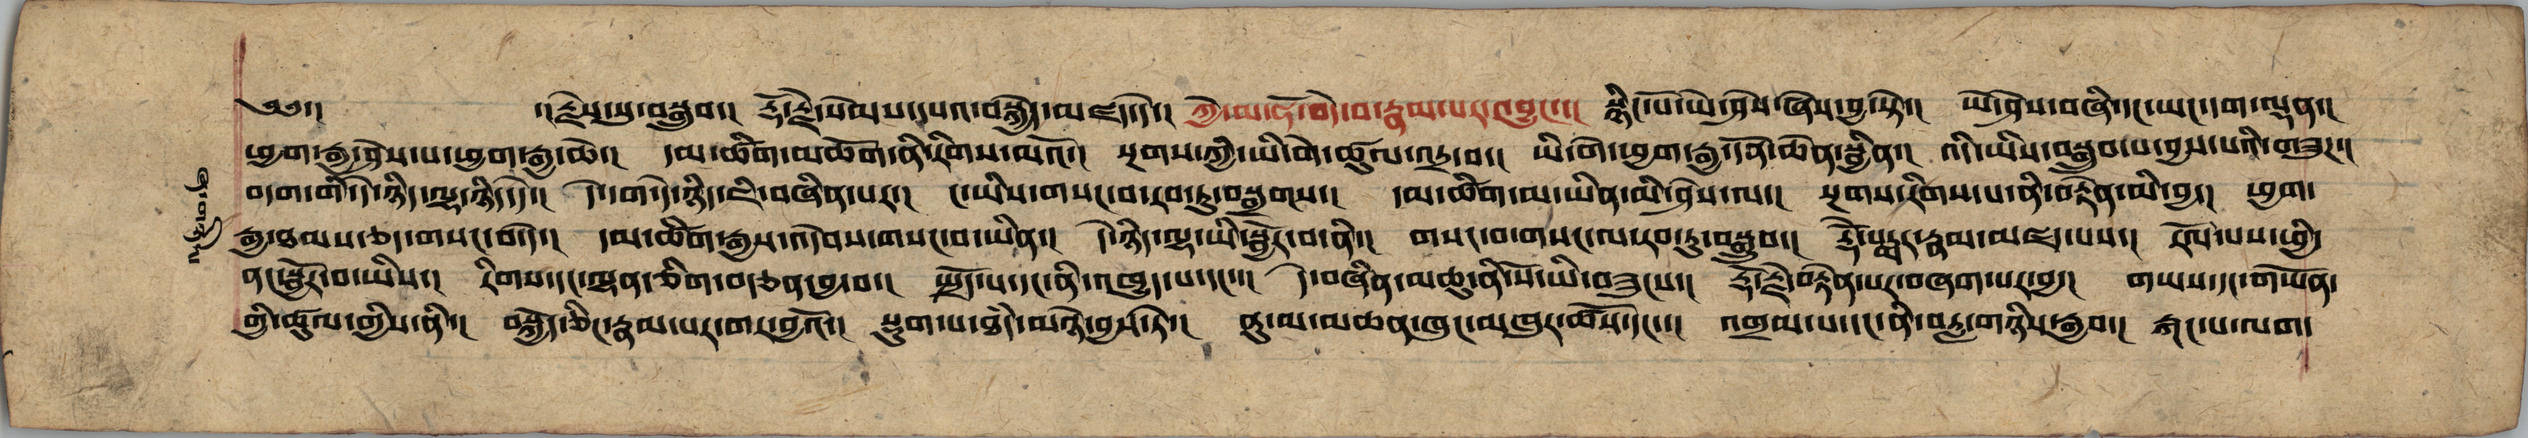༄༅་། ་།རྗེས་སུ་བསྒྲུབ་། རྡོ་རྗེ་སེམས་དཔའ་བསྐྱེད་མཛད་དེ་། ཀྱེ་མ་ཧོ་བདེ་བ་རྣམ་པར་འབྱུང་་། སྙིང་པོ་ཡེ་ཤེས་ཞེས་བྱ་སྟེ་། ཡེ་ཤེས་བཞི་དང་ཡང་དག་ལྡན་།
ཕྱག་རྒྱ་ཤེས་པ་ཕྱག་རྒྱ་ཆེ་། དམ་ཚིག་མཆོག་ནི་རིགས་མའོ་། སྔགས་ཀྱི་ཡི་གེ་ཚུལ་འདྲ་བ་། ཡི་གེ་ཕྱག་རྒྱ་དོན་ཆེན་སྦྱིན་། འདི་ཡིས་བསྒྲུབ་པ་བྱས་པའི་གཟུཌ་།
བདག་གི་དེ་ཉིད་ལྷ་ཉིད་དེ་། དེ་དག་དེ་ཉིད་ཇི་བཞིན་པར་། ང་ཡིས་གསང་བ་རབ་ཏུ་བསྒྲགས་། དམ་ཚིག་མ་ཡིན་མི་ཤེས་ལ་། སྔགས་རིགས་པ་ནི་བརྟེན་མི་བྱ་། ཕྱག་
རྒྱ་ཐམས་ཅད་གསང་བ་དེ་། དམ་ཚིག་རྒྱས་འདེབས་གསང་བ་ཡིན་། དེ་ཉིད་ལྷ་ཡི་སྦྱོར་བ་ནི་། གསང་བ་གསང་ལ་རབ་ཏུ་བསྒྲུབ་། རྡོེ་པདྨར་རྣམ་མཛད་པས་། རོལ་པས་ཕྱི་
ནང་སྦྱོར་བ་ཡིས་། རིགས་དང་ལྷན་ཅིག་བདཅན་བྱ་བ་། སྤྲོད་པ་དང་ནི་འཁྱུད་པ་དང་་། དེ་བཞིན་མཆུ་ནི་སོ་ཡི་བཟུངས་། རྡོ་རྗེ་བརྟེན་པར་བཞག་པར་བྱ་། གཡས་དང་གཡོན་
གྱི་ཚུལ་གྱིས་ནི་། བསྐྱོད་ཅིང་རྣམ་པར་གར་བྱའོ་། སྡུག་པ་ཐཾད་མཉེ་བྱསཏེ་། ནུ་མ་མཆན་ཁུང་མཁུར་ཚོས་དང་་། འགྲམ་པ་དང་ནི་བརླ་གཉིས་རྒྱབ་། རྐང་པ་ལག་